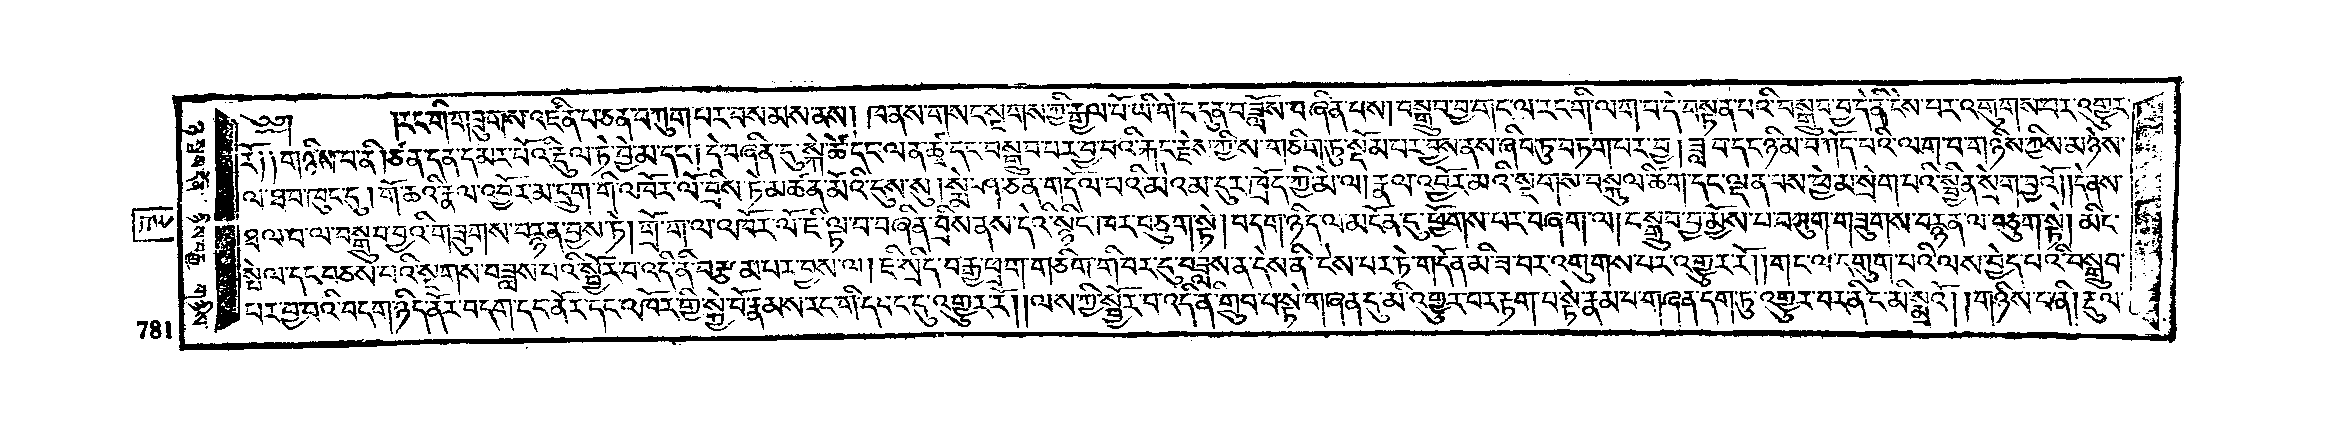༄༅། །རང་གི་གཟུགས་འཛིན་པ་ཅན་བཀུག་པར་བསམས་ནས། ཁ་ནས་གསང་སྔགས་ཀྱི་རྒྱལ་པོ་ཡི་གེ་བདུན་པ་ཟློས་བཞིན་པས། བསྒྲུབ་བྱ་གང་ལ་རང་གི་ལག་པ་དེ་བསྟེན་པའི་བསྒྲུབ་བྱ་དེ་ནི་ངེས་པར་འགུགས་པར་འགྱུར་
རོ༑ ༑གཉིས་པ་ནི། ཙན་དན་དམར་པོའི་རྡུལ་ཏེ་བྱེ་མ་དང་། དེ་བཞིན་དུ་སྐོ་ཚེ་དང་ལན་ཚྭ་དང་བསྒྲུབ་པར་བྱ་བའི་རྐང་རྗེས་ཀྱི་ས་གཅིག་ཏུ་སྡོམ་པར་བྱས་ནས་ཞིབ་ཏུ་བཏགས་པར་བྱ། ཟླ་བ་དང་ཉི་མ་བཀོད་པའི་ལག་པ་གཉིས་ཀྱིས་མཉེས་
ལ་ཐབ་ཁུང་དུ། གོ་ཆའི་རྣལ་འབྱོར་མ་དྲུག་གི་འཁོར་ལོ་བྲིས་ཏེ་མཚན་མོའི་དུས་སུ། སྨེ་ཤ་ཅན་གདོལ་བའི་མེའམ་དུར་ཁྲོད་ཀྱི་མེ་ལ། རྣལ་འབྱོར་མའི་སྔགས་བསྐུལ་ཚིག་དང་ལྡན་པས་ཕྱེ་མ་སྲེག་པའི་སྦྱིན་སྲེག་བྱའོ། །དེ་ནས་
ཐལ་བ་ལ་བསྒྲུབ་བྱའི་གཟུགས་བརྙན་བྱས་ཏེ། གྲོ་ག་ལ་འཁོར་ལོ་ཇི་ལྟ་བ་བཞིན་བྲིས་ནས་དེའི་སྙིང་ཁར་བཅུག་སྟེ། བདག་ཉིད་ལ་མངོན་དུ་ཕྱོགས་པར་བཞག་ལ། བསྒྲུབ་བྱ་མྱོས་པ་བཀུག་གཟུགས་བརྙན་ལ་བཅུག་སྟེ། མིང་
སྤེལ་དང་བཅས་པའི་སྔགས་བཟས་པའི་སྦྱོར་བ་འདི་ནི་བརྩམ་པར་བྱས་ལ། ཇི་སྲིད་བརྒྱ་ཕྲག་གཅིག་གི་བར་དུ་བཟླས་ན་དེས་ནི་ངེས་པར་ཏེ་གདོན་མི་ཟ་བར་འགུགས་པར་འགྱུར་རོ། །གང་ལ་དགུག་པའི་ལས་བྱེད་པའི་བསྒྲུབ་
པར་བྱ་བའི་བདག་ཉིད་ནོར་བདག་དང་ནོར་དང་འཁོར་གྱི་སྐྱེ་བོ་རྣམས་རང་གི་དབང་དུ་འགྱུར་རོ། །ལས་ཀྱི་སྦྱོར་བ་འདི་ནི་གྲུབ་པ་སྟེ་གཞན་དུ་མི་འགྱུར་བར་རྟག་པ་སྟེ་རྣམ་པ་གཞན་དག་ཏུ་འགྱུར་བར་ནི་ང་མི་སྨྲའོ། །གཉིས་པ་ནི། རྡུལ་